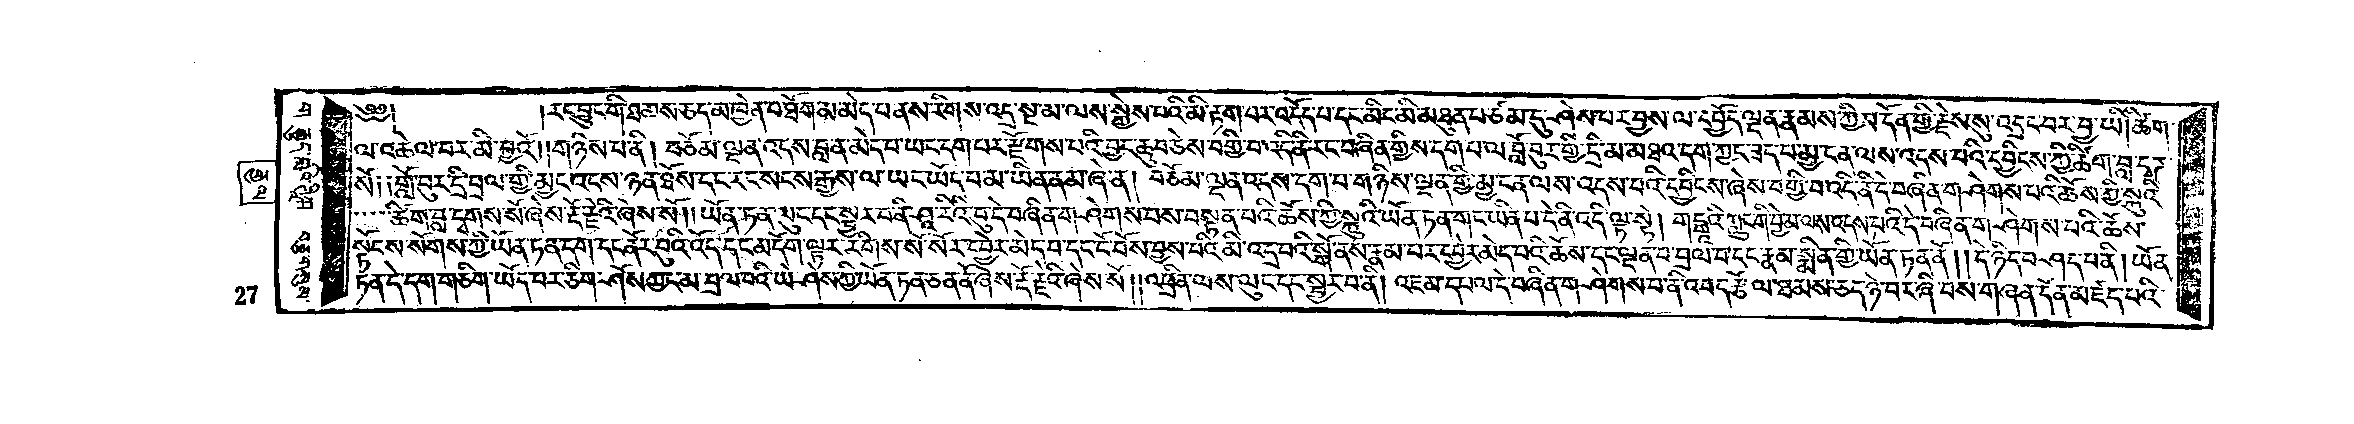༄༅། །རང་བྱུང་གི་ཐམས་ཅད་མཁྱེན་པ་ཐོག་མ་མེད་པ་ནས་རིགས་འདྲ་སྔ་མ་ལས་སྐྱེས་པའི་མི་རྟག་པར་འདོད་པ་དང་མིང་མི་མཐུན་པ་ཙམ་དུ་ཤེས་པར་བྱས་ལ་དཔྱོད་ལྡན་རྣམས་ཀྱིས་དོན་གྱི་རྗེས་སུ་འདྲང་བར་བྱ་ཡི། ཚིག་
ལ་འཆེལ་བར་མི་བྱའོ། །གཉིས་པ་ནི། བཅོམ་ལྡན་འདས་བླ་ན་མེད་པ་ཡང་དག་པར་རྫོགས་པའི་བྱང་ཆུབ་ཅེས་བགྱི་བ་འདི་ནི་རང་བཞིན་གྱིས་དག་པ་ལ་བློ་བུར་གྱི་དྲི་མ་མཐའ་དག་ཀྱང་ཟད་པ་མྱ་ངན་ལས་འདས་པའི་དབྱིངས་ཀྱི་ཚིག་བླ་དྭགས་
སོ༑ ༑གློ་བུར་དྲི་བྲལ་གྱི་མྱང་འདས་ཉན་ཐོས་དང་རང་སངས་རྒྱས་ལ་ཡང་ཡོད་པ་མ་ཡིན་ནམ་ཞེ་ན། བཅོམ་ལྡན་འདས་དག་པ་གཉིས་ལྡན་གྱི་མྱ་ངན་ལས་འདས་པའི་དབྱིངས་ཞེས་བགྱི་བ་འདི་ནི་དེ་བཞིན་གཤེགས་པའི་ཆོས་ཀྱི་སྐུའི་
ཚིག་བླ་དྭགས་སོ་ཞེས་རྡོ་རྗེའི་ཞེས་སོ། །ཡོན་ཏན་ལུང་དང་སྦྱར་བ་ནི་ཤཱ་རིའི་བུ་དེ་བཞིན་གཤེགས་པས་བསྟན་པའི་ཆོས་ཀྱི་སྐུའི་ཡོན་ཏན་གང་ཡིན་པ་དེ་ནི་འདི་ལྟ་སྟེ། གངགཱི་ཀླུང་གི་བྱེ་མ་ལས་འདས་པའི་དེ་བཞིན་གཤེགས་པའི་ཆོས་
སྟོངས་སོགས་ཀྱི་ཡོན་ཏན་དག་དང་ནོར་བུའི་འོད་དང་མདོག་ལྟར་རིགས་སོ་སོར་དབྱེར་མེད་པ་དང་ངོ་བོས་བྱས་པའི་མི་འདྲ་བའི་སྒོ་ནས་རྣམ་པར་དབྱེར་མེད་པའི་ཆོས་དང་ལྡན་པ་བྲལ་བ་དང་རྣམ་སྨིན་གྱི་ཡོན་ཏན་ནོ། །དེ་ཉིད་བཤད་པ་ནི། ཡོན་
ཏན་དེ་དག་གཅིག་ཡོད་པར་ཅིག་ཤོས་ཀྱང་མ་བྲལ་བའི་ཡེ་ཤེས་ཀྱི་ཡོན་ཏན་ཅན་ནོ་ཞེས་རྡོ་རྗེའི་ཞེས་སོ། །འཕྲིན་ལས་ལུང་དང་སྦྱར་བ་ནི། འཇམ་དཔལ་དེ་བཞིན་གཤེགས་པ་ནི་འབད་རྩོལ་ཐམས་ཅད་ཉེ་བར་ཞི་བས་གཞན་དོན་མཛད་པའི་